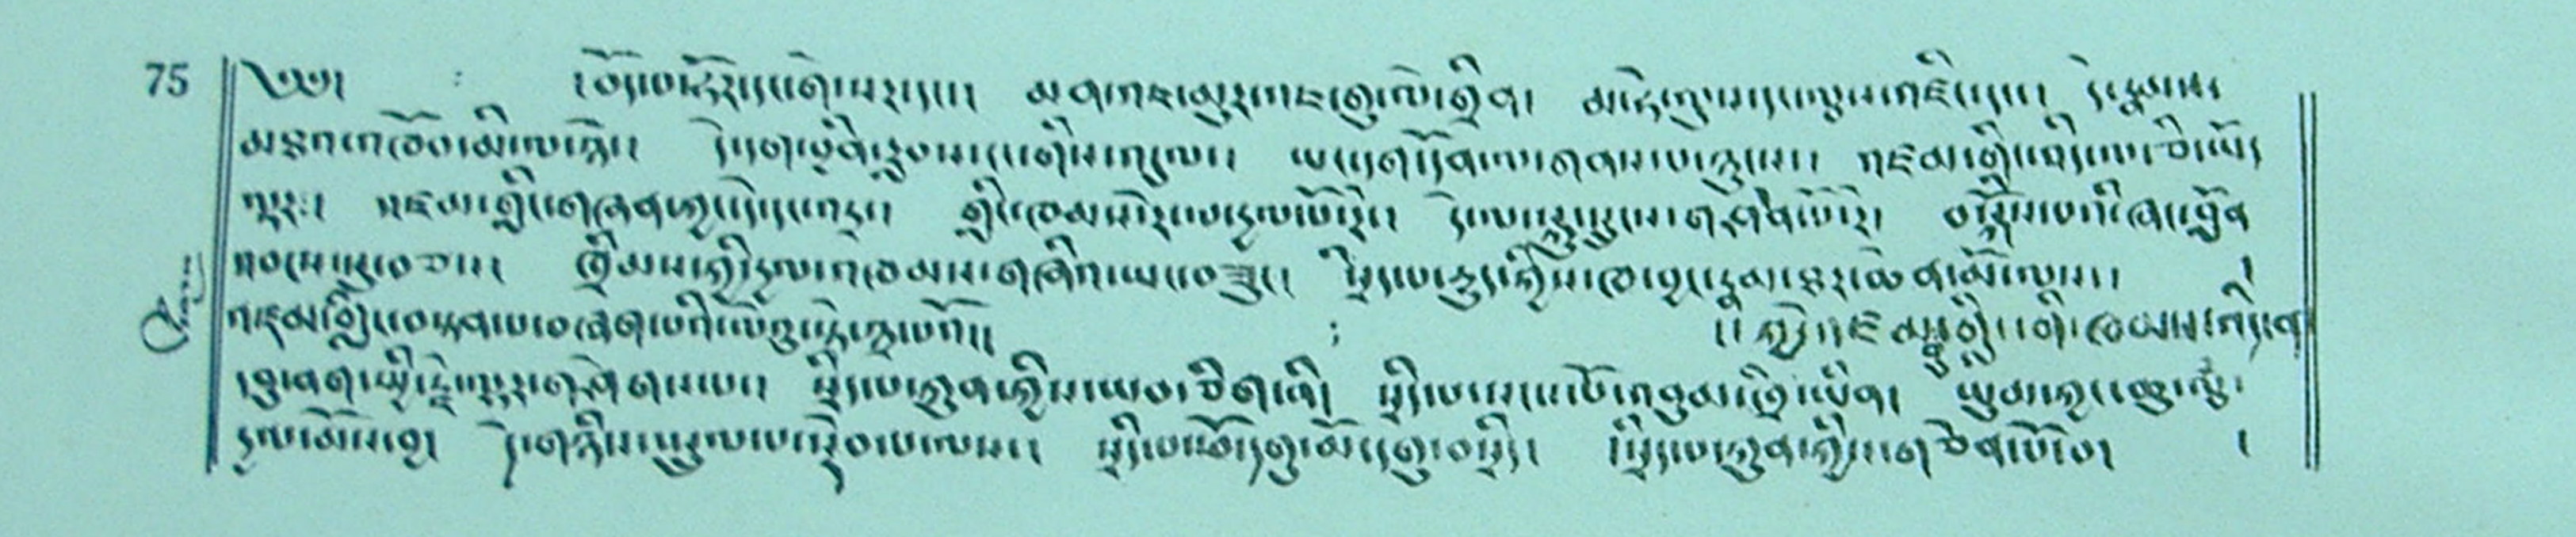༄༅། །བོད་པ་ཧོར་དང་གེ་སར་དང་། མན་འཇ་མུར་ཇ་གུ་ལེ་གྲིན། མ་ཧེ་འུ་ས་དང་སྦས་འཛིང་དང་། དེ་རྣམས་དང་
མཐའ་འཁོབ་མི་ལ་ཉེ། དེ་དག་བྱིན་བརླབས་ངང་གིས་འདུལ། ཡང་དག་དོན་ལ་གནས་པ་ཉུངས། འཛམ་གླིང་འདི་ན་ཅི་ཡོད་
ལྟར། འཛམ་གླིང་གཞན་ཀྱང་དེ་དང་འདྲ། གླིང་ཁམས་རེ་ལ་རྒྱལ་པོ་རེ། དེ་ལ་སྐུ་བསྲུངས་གཤེན་པོ་རེ། བསྐོས་པའི་ཞང་བློན་
འབངས་སུ་བཅས། ཁྲིམས་གྱི་རྒྱལ་ཁམས་གཞི་ཡང་བཟུང་། སྲིད་པ་རྒྱུད་ཀྱི་ཁ་བྱང་རྣམ་ཐར་ཆེན་མོ་ལས། 
འཛམ་གླིང་བསྟན་པ་བཞག་པའི་ལེའུ་སྟེ་གསུམ་པའོ།། །། ༈ ཀྱེ་འཛམ་བུ་གླིང་གི་ཁམས་འདི་ན། 
དབུ་ནག་སྤྱི་རྗེ་ལྷར་གཤེགས་པ། སྲིད་པ་ཀུན་ཀྱི་ཡབ་གཅིག་ནི། སྲིད་པ་སངས་པོ་འབུམ་ཁྲི་ཡིན། ཡུམ་ཀྱང་ཆུ་ལྕམ་
རྒྱལ་མོས་བྱས། དེ་གཉིས་སྤྲུལ་པ་སྡེབ་པ་ལས། སྲིད་པ་ཕོ་དགུ་མོ་དགུ་བསྲིད། སྲིད་པ་ཀུན་ཀྱི་གཅེན་པོ་ནི།